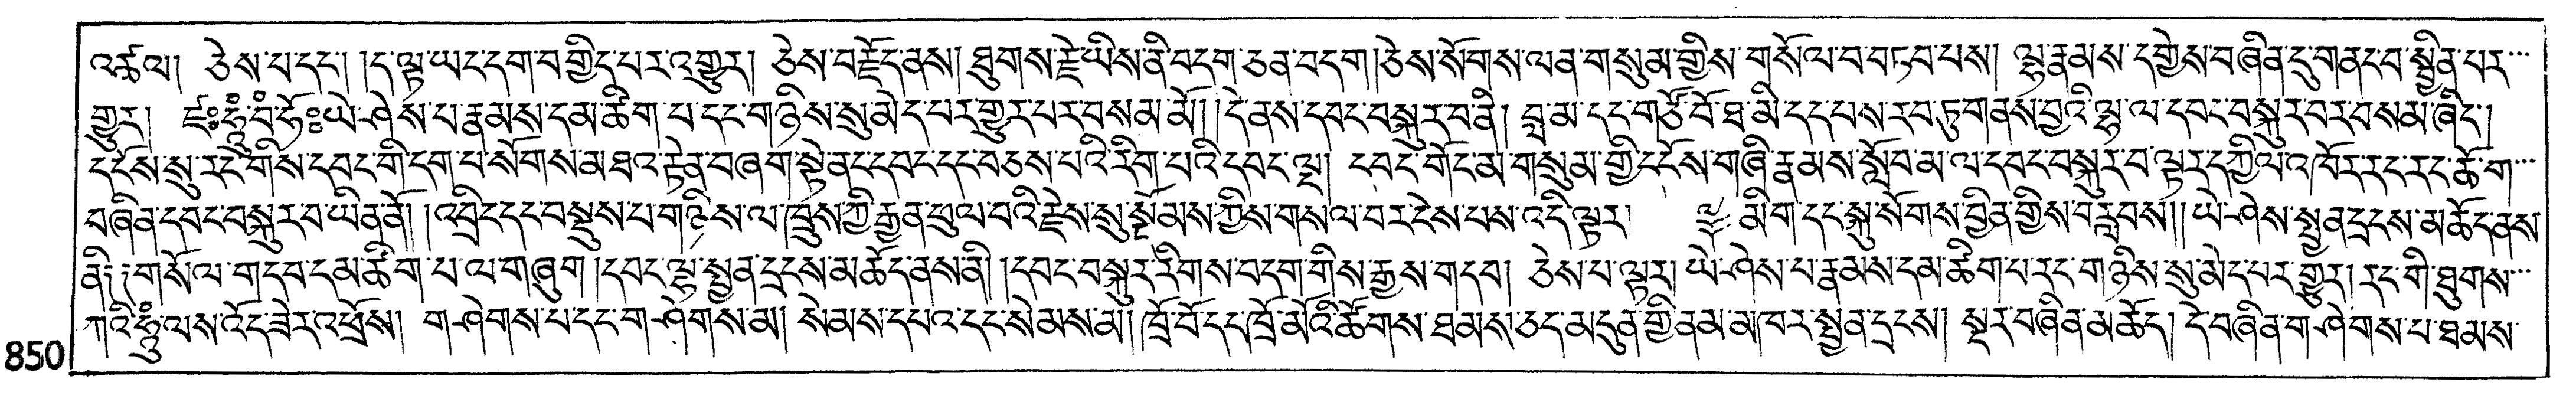འཚལ། ཅེས་པ་དང་། །ད་ལྟ་ཡང་དག་བགྱིད་པར་འགྱུར། ཅེས་བརྗོད་ནས། ཐུགས་རྗེ་ཡིས་ནི་བདག་ཅན་བདག །ཅེས་སོགས་ལན་གསུམ་གྱིས་གསོལ་བ་བཏབ་པས། ལྷ་རྣམས་དགྱེས་བཞིན་དུ་གནང་བ་སྦྱིན་པར་
གྱུར། ཛཿ ཧཱུཾ་བཾ་ཧོཿ ཡེ་ཤེས་པ་རྣམས་དམ་ཚིག་པ་དང་གཉིས་སུ་མེད་པར་གྱུར་པར་བསམ་མོ། །དེ་ནས་དབང་བསྐུར་བ་ནི། བླ་མ་དང་གཙོ་བོ་ཐ་མི་དད་པས་རབ་ཏུ་གནས་བྱའི་ལྷ་ལ་དབང་བསྐུར་བར་བསམ་ཞིང་།
དངོས་སུ་རང་གིས་དབང་གི་དག་པ་སོགས་མཐའ་རྟེན་བཞག་སྟེ་ནང་དབང་དང་བཅས་པའི་རིག་པའི་དབང་ལྔ། དབང་གོང་མ་གསུམ་གྱི་དངོས་གཞི་རྣམས་སློབ་མ་ལ་དབང་བསྐུར་བ་ལྟར་དཀྱིལ་འཁོར་རང་རང་ཆོ་ག་
བཞིན་དབང་བསྐུར་བ་ཡིན་ནོ། །འབྲིང་དང་བསྡུས་པ་གཉིས་ལ་ཁྲུས་ཀྱི་རྒྱན་ཕུལ་བའི་རྗེས་སུ་སྡོམས་ཀྱིས་གསལ་བར་ངེས་པས་འདི་ལྟར། ༈ མིག་དང་སྐུ་སོགས་བྱིན་གྱིས་བརླབས། །ཡེ་ཤེས་སྤྱན་དྲངས་མཆོད་ནས་
ནི༑ ༑གསོལ་གདབ་དམ་ཚིག་པ་ལ་གཞུག །དབང་ལྷ་སྤྱན་དྲངས་མཆོད་ནས་ནི། །དབང་བསྐུར་རིགས་བདག་གིས་རྒྱས་གདབ། ཅེས་པ་ལྟར། ཡེ་ཤེས་པ་རྣམས་དམ་ཚིག་པ་རང་གཉིས་སུ་མེད་པར་གྱུར། རང་གི་ཐུགས་
ཀའི་ཧཱུཾ་ལས་འོད་ཟེར་འཕྲོས། གཤེགས་པ་དང་གཤེགས་མ། སེམས་དཔའ་དང་སེམས་མ། ཁྲོ་བོ་དང་ཁྲོ་མོའི་ཚོགས་ཐམས་ཅད་མདུན་གྱི་ནམ་མཁར་སྤྱན་དྲངས། སྔར་བཞིན་མཆོད། དེ་བཞིན་གཤེགས་པ་ཐམས་